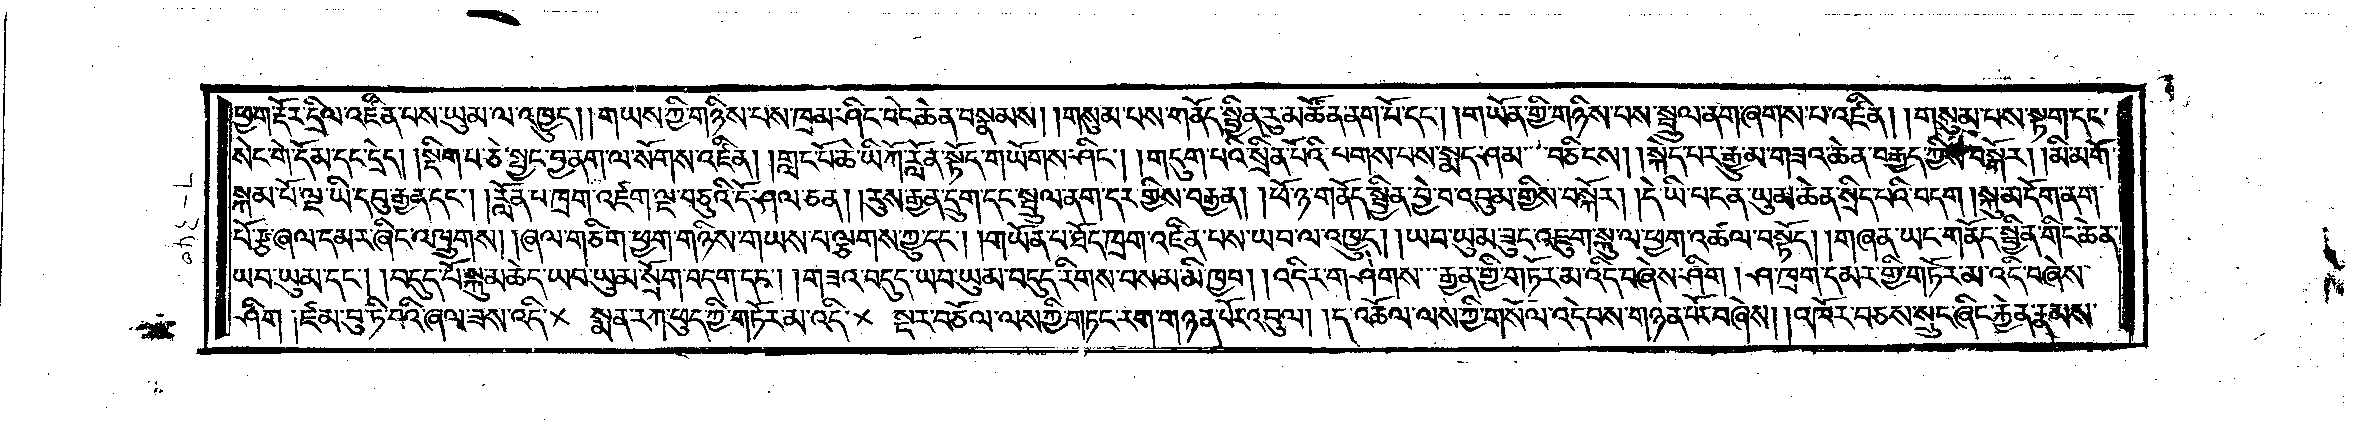ཕྱག་རྡོར་དྲིལ་འཛིན་པས་ཡུམ་ལ་འཁྱུད། །གཡས་ཀྱི་གཉིས་པས་ཁྲམ་ཤིང་བདེ་ཆེན་བསྣམས། །གསུམ་པས་གནོད་སྦྱིན་རུ་མཚོན་ནག་པོ་དང་། །གཡོན་གྱི་གཉིས་པས་སྦྲུལ་ནག་ཞགས་པ་འཛིན། །གསུམ་པས་སྟག་དང་
སེང་གེ་དོམ་དང་དྲེད། །སྡིག་པ་ཅེ་སྦྱང་བྱ་ནག་ལ་སོགས་འཛིན། །གླང་པོ་ཆེ་ཡི་ཀོ་རློན་སྟོད་གཡོགས་ཤིང་། །གདུག་པའི་སྲིན་པོའི་པགས་པས་སྨད་ཤམ་བཅིངས། །སྐེད་བར་རྒྱུ་མ་གཟའ་ཆེན་བརྒྱད་ཀྱིས་བསྐོར། །མི་མགོ་
སྐམ་པོ་ལྔ་ཡི་དབུ་རྒྱན་དང་། །རློན་པ་ཁྲག་འཛག་ལྔ་བཅུའི་དོ་ཤལ་ཅན། །རུས་རྒྱན་དྲུག་དང་སྦྲུལ་ནག་དར་གྱིས་བརྒྱན། །ཕོ་ཉ་གནོད་སྦྱིན་བྱེ་བ་འབུམ་གྱིས་བསྐོར། །དེ་ཡི་པང་ན་ཡུམ་ཆེན་སྲིད་པའི་བདག །སྐུ་མདོག་ནག་
པོ་རྩ་ཞལ་དམར་ཞིང་འཁྲུགས། །ཞལ་གཅིག་ཕྱག་གཉིས་གཡས་པ་ལྕགས་ཀྱུ་དང་། །གཡོན་པ་ཐོད་ཁྲག་འཛིན་པས་ཡབ་ལ་འཁྱུད། །ཡབ་ཡུམ་ཟུང་འཇུག་སྐུ་ལ་ཕྱག་འཚལ་བསྟོད། །གཞན་ཡང་གནོད་སྦྱིན་གིང་ཆེན་
ཡབ་ཡུམ་དང་། །བདུད་པོ་སྐུ་མཆེད་ཡབ་ཡུམ་སྲོག་བདག་དང་། །གཟའ་བདུད་ཡབ་ཡུམ་བདུད་རིགས་བསམ་མི་ཁྱབ། །འདིར་གཤེགས་རྒྱན་གྱི་གཏོར་མ་འདི་བཞོས་ཤིག །ཤ་ཁྲག་དམར་གྱི་གཏོར་མ་འདི་བཞེས་
ཤིག ༑ཛམ་བུ་ཏི་བའི་ཞལ་ཟས་འདི་྾་སྨན་རཀ་ཕུད་ཀྱི་གཏོར་མ་འདི་྾་སྔར་བཅོལ་ལས་ཀྱི་གཏང་རག་གཉན་པོར་འབུལ། །ད་འཆོལ་ལས་ཀྱི་གསོལ་འདེབས་གཉན་པོར་བཞེས། །འཁོར་བཅས་སྲུང་ཞིང་རྐྱེན་རྣམས་